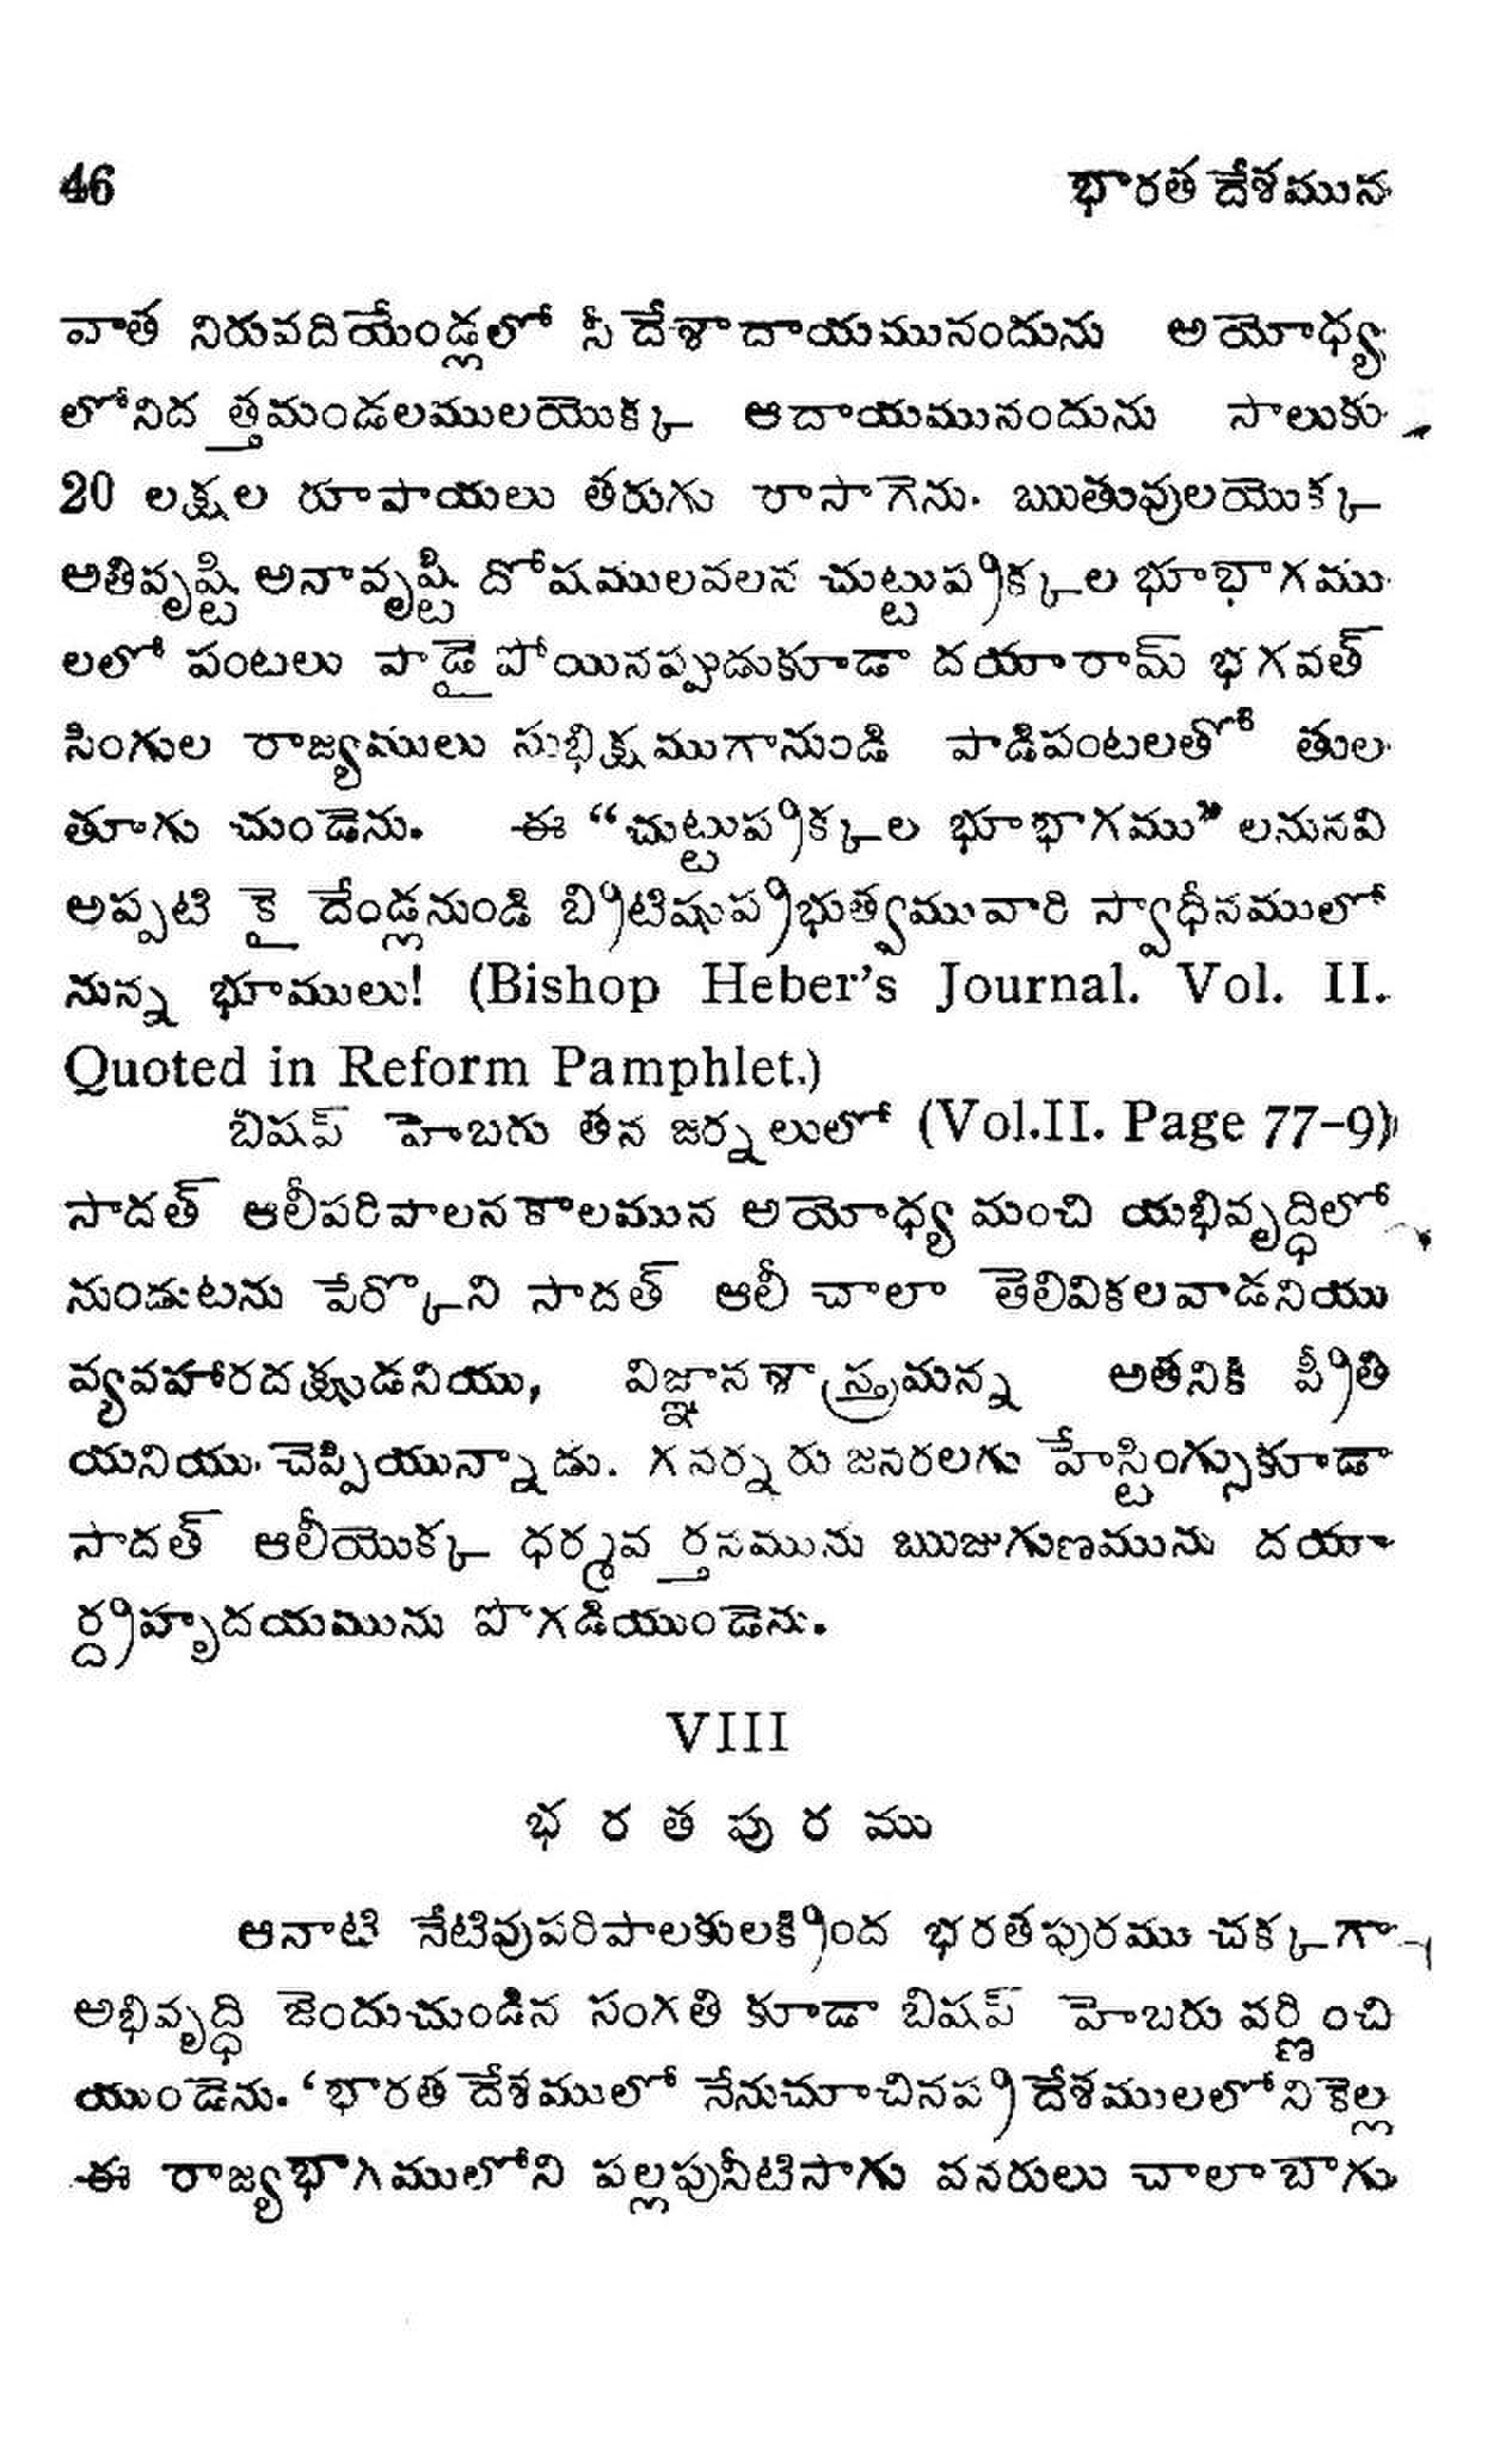వాత నిరువదియేండ్లలో నీదేశాదాయమునందును అయోధ్యలోనిదత్తమండలములయొక్క ఆదాయమునందును సాలుకు , 20 లక్షల రూపాయలు తరుగు రాసాగెను. ఋతువులయొక్క అతివృష్టి, అనావృష్టి దోషములవలన చుట్టుప్రక్కల భూభాగములలో పంటలు పాడైపోయినప్పుడుకూడా దయారామ్ భగవత్ సింగుల రాజ్యములు సుభిక్షముగానుండి పాడిపంటలతో తులతూగు చుండెను. ఈ “చుట్టుప్రక్కల భూభాగము" లనునవి అప్పటి కై దేండ్లనుండి బ్రిటిషుప్రభుత్వమువారి స్వాధీనములో నున్న భూములు! (Bishop Heber's Journal. Vol. II. Quoted in Reform Pamphlet.)

బిషప్ హెబరు తన జర్నలులో (Vol.II. Page 77-9), సాదత్ ఆలీపరిపాలనకాలమున అయోధ్య మంచి యభివృద్ధిలో, నుండుటను పేర్కొని సాదత్ ఆలీ చాలా తెలివికలవాడనియు వ్యవహారదక్షుడనియు, విజ్ఞానశాస్త్రమన్న అతనికి ప్రీతియనియు చెప్పియున్నాడు. గవర్నరు జనరలగు హేస్టింగ్సుకూడా సాదత్ ఆలీయొక్క ధర్మవర్తనమును ఋజుగుణమును దయార్ద్రహృదయమును పొగడియుండెను.

VIII
భరతపురము

ఆనాటి నేటివు పరిపాలకులక్రింద భరతపురము చక్కగా అభివృద్ధి జెందుచుండిన సంగతి కూడా బిషప్ హెబరు వర్ణించియుండెను. “భారతదేశములో నేనుచూచినప్రదేశములలోనికెల్ల ఈ రాజ్యభాగములోని పల్లపునీటిసాగు వనరులు చాలాబాగు